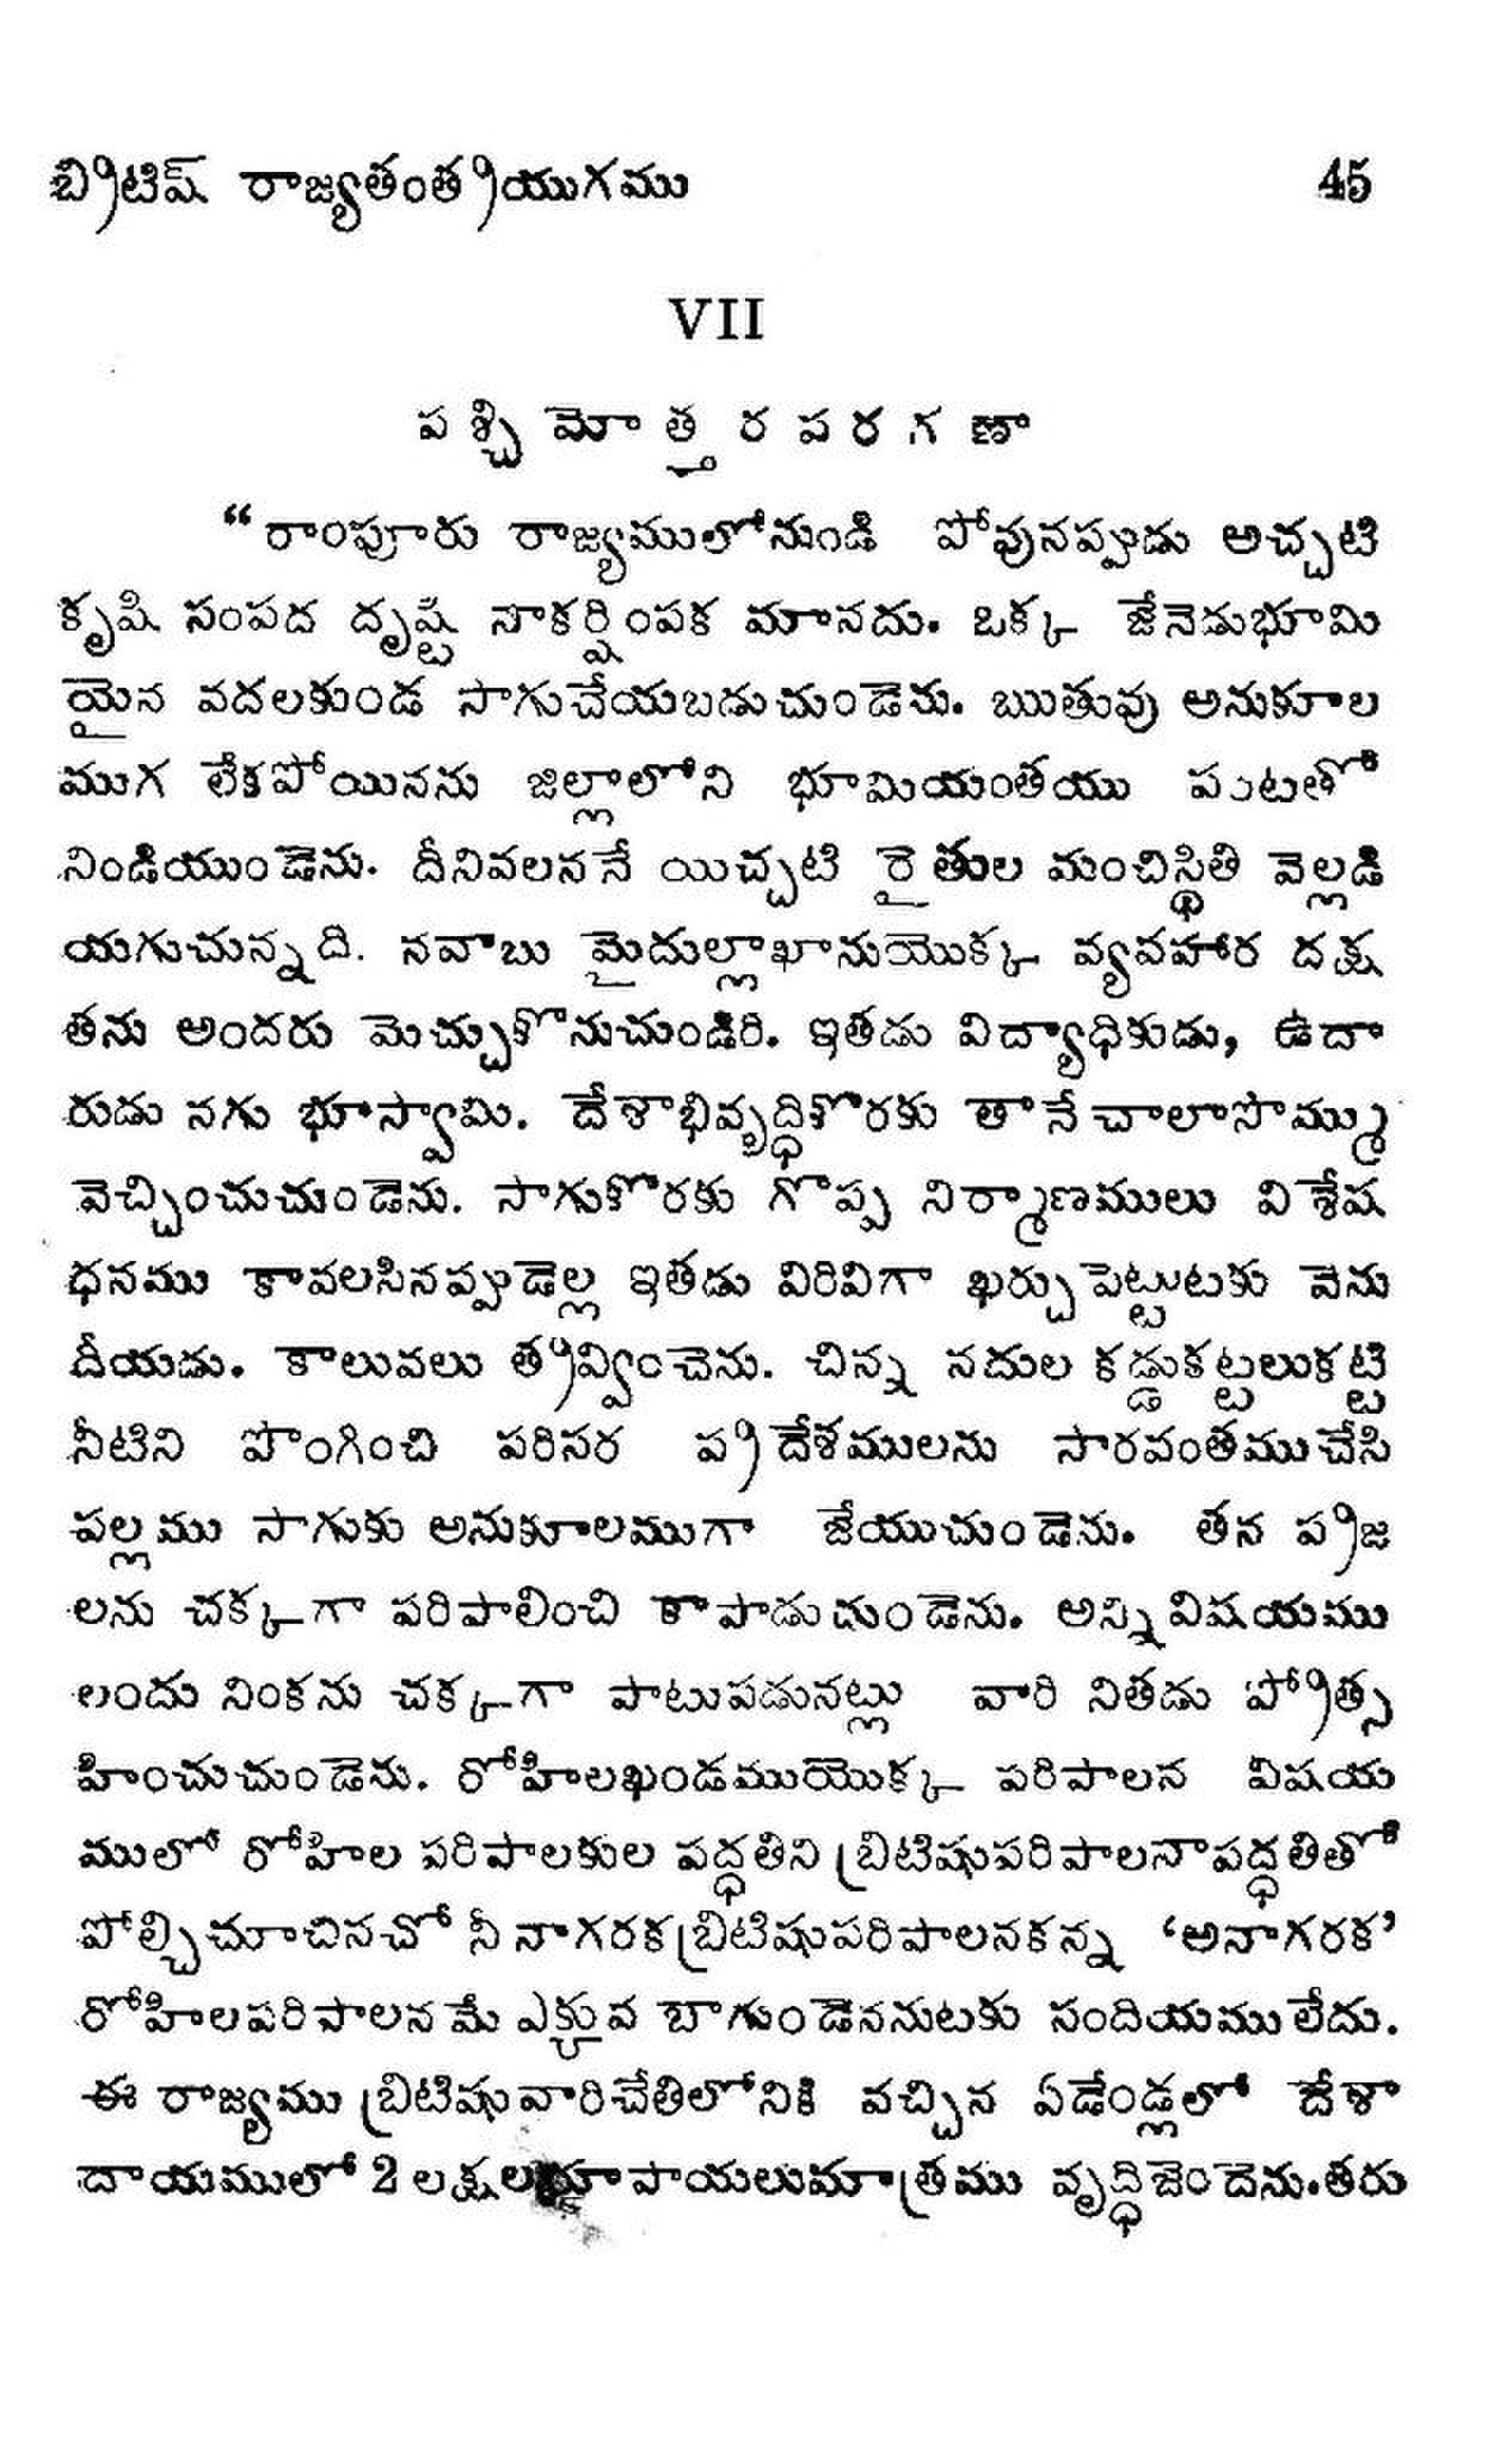VII 
పశ్చిమోత్తరపరగణా 

“రాంపూరు రాజ్యములోనుండి పోవునప్పుడు అచ్చటి కృషి, సంపద దృష్టి నాకర్షింపక మానదు. ఒక్క జేనెడుభూమియైన వదలకుండ సాగుచేయబడుచుండెను. ఋతువు అనుకూలముగ లేకపోయినను జిల్లాలోని భూమియంతయు పంటతో నిండియుండెను. దీనివలననే యిచ్చటి రైతుల మంచిస్థితి వెల్లడియగుచున్నది. నవాబు మైదుల్లాఖానుయొక్క వ్యవహార దక్షతను అందరు మెచ్చుకొనుచుండిరి. ఇతడు విద్యాధికుడు, ఉదారుడు నగు భూస్వామి. దేశాభివృద్ధికొరకు తానేచాలాసొమ్ము వెచ్చించుచుండెను. సాగుకొరకు గొప్ప నిర్మాణములు విశేషధనము కావలసినప్పుడెల్ల ఇతడు విరివిగా ఖర్చుపెట్టుటకు వెనుదీయడు. కాలువలు త్రవ్వించెను. చిన్న నదుల కడ్డుకట్టలుకట్టి నీటిని పొంగించి పరిసర ప్రదేశములను సారవంతముచేసి పల్లము సాగుకు అనుకూలముగా జేయుచుండెను. తన ప్రజలను చక్కగా పరిపాలించి కాపాడుచుండెను. అన్నివిషయములందు నింకను చక్కగా పాటుపడునట్లు వారి నితడు ప్రోత్సహించుచుండెను. రోహిలఖండముయొక్క పరిపాలన విషయములో రోహిల పరిపాలకుల పద్దతిని బ్రిటిషుపరిపాలనాపద్దతితో పోల్చిచూచినచో నీనాగరకబ్రిటిషుపరిపాలనకన్న 'అనాగరక' రోహిలపరిపాలనమే ఎక్కువ బాగుండెననుటకు సందియము లేదు. ఈ రాజ్యము బ్రిటిషువారిచేతిలోనికి వచ్చిన ఏడేండ్లలో దేశాదాయములో 2 లక్షలరూపాయలుమాత్రము వృద్ధిజెందెను. తరు